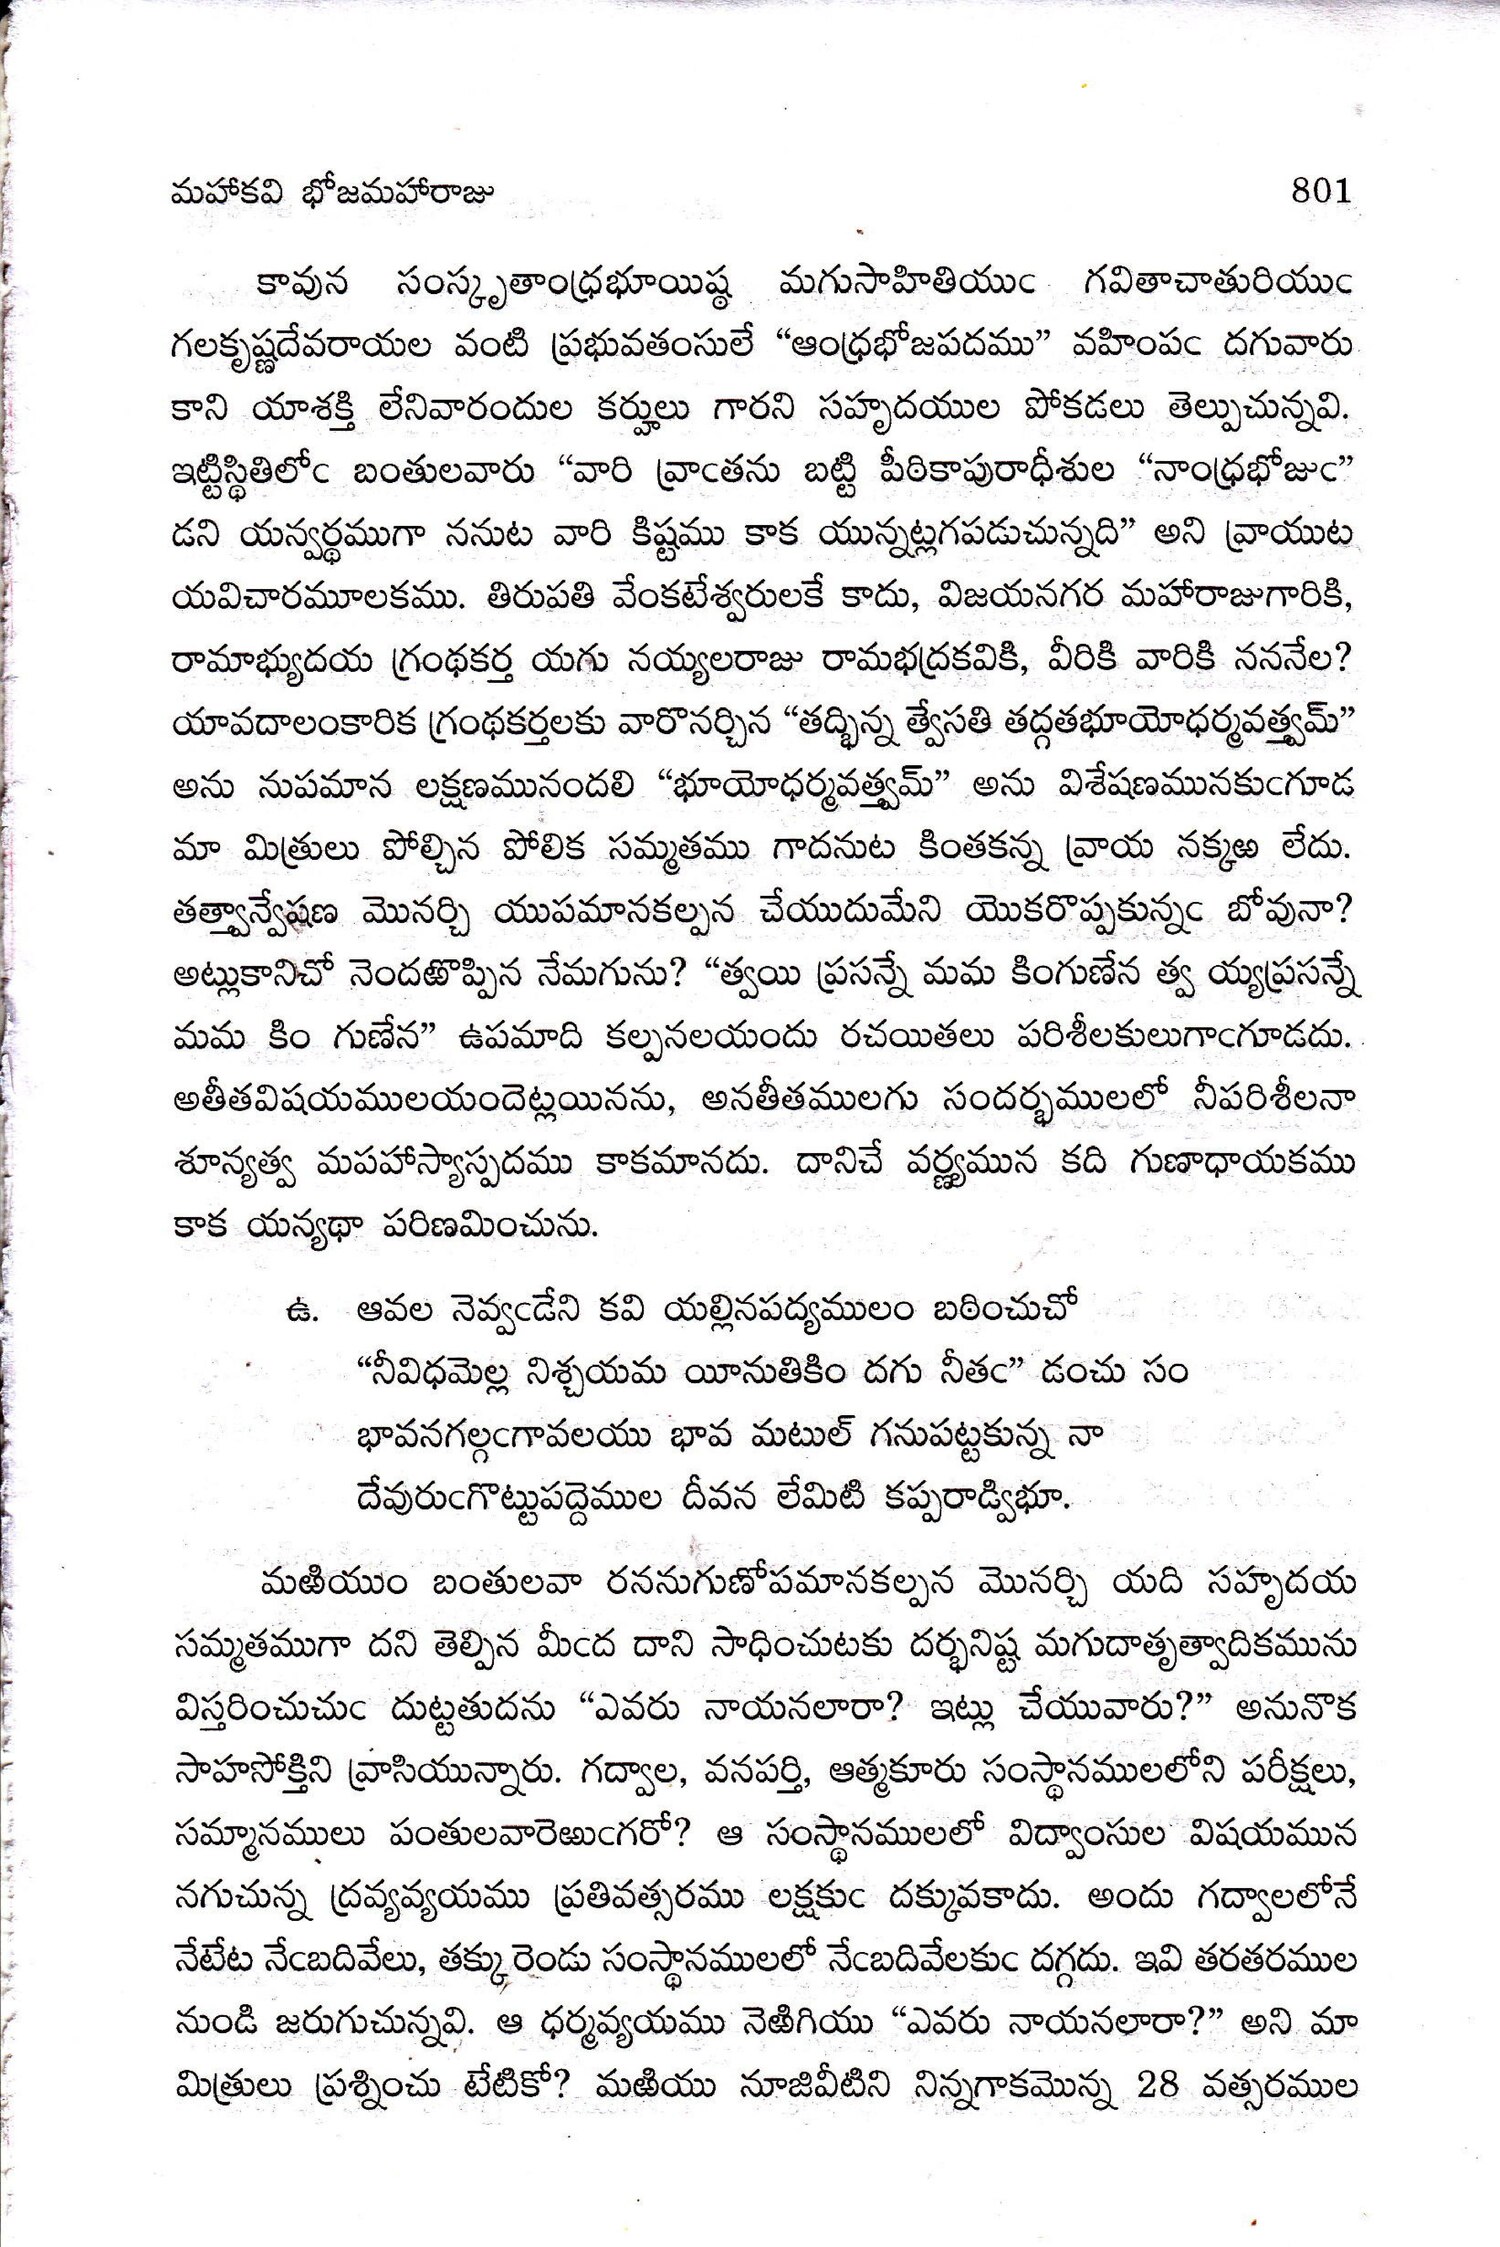కావున సంస్కృతాంధ్రభూయిష్ఠ మగుసాహితియుఁ గవితాచాతురియుఁ గలకృష్ణదేవరాయల వంటి ప్రభువతంసులే "ఆంధ్రభోజపదము" వహింపఁ దగువారు కాని యాశక్తి లేనివారందుల కర్హులు గారని సహృదయుల పోకడలు తెల్పుచున్నవి. ఇట్టిస్థితిలోఁ బంతులవారు “వారి వ్రాఁతను బట్టి పీఠికాపురాధీశుల “నాంధ్రభోజుఁ” డని యన్వర్ధముగా ననుట వారి కిష్టము కాక యున్నట్లగపడుచున్నది" అని వ్రాయుట యవిచారమూలకము. తిరుపతి వేంకటేశ్వరులకే కాదు, విజయనగర మహారాజుగారికి, రామాభ్యుదయ గ్రంథకర్త యగు నయ్యలరాజు రామభద్రకవికి, వీరికి వారికి నననేల? యావదాలంకారిక గ్రంథకర్తలకు వారొనర్చిన "తద్భిన్న త్వేసతి తద్గతభూయోధర్మవత్త్వమ్" అను నుపమాన లక్షణమునందలి “భూయోధర్మవత్త్వమ్" అను విశేషణమునకుఁగూడ మా మిత్రులు పోల్చిన పోలిక సమ్మతము గాదనుట కింతకన్న వ్రాయ నక్కఱ లేదు. తత్త్వాన్వేషణ మొనర్చి యుపమానకల్పన చేయుదుమేని యొకరొప్పకున్నఁ బోవునా? అట్లుకానిచో నెందఱొప్పిన నేమగును? "త్వయి ప్రసన్నే మమ కింగుణేన త్వ య్యప్రసన్నే మమ కిం గుణేన" ఉపమాది కల్పనలయందు రచయితలు పరిశీలకులుగాఁగూడదు. అతీతవిషయములయందెట్లయినను, అనతీతములగు సందర్భములలో నీపరిశీలనా శూన్యత్వ మపహాస్యాస్పదము కాకమానదు. దానిచే వర్ణ్యమున కది గుణాధాయకము కాక యన్యథా పరిణమించును.

ఉ. ఆవల నెవ్వఁడేని కవి యల్లినపద్యములం బఠించుచో
 “నీవిధమెల్ల నిశ్చయమ యీనుతికిం దగు నీతఁ" డంచు సం 
 భావనగల్గఁగావలయు భావ మటుల్ గనుపట్టకున్న నా 
 దేవురుఁగొట్టుపద్దెముల దీవన లేమిటి కప్పరాడ్విభూ.
మఱియుం బంతులవా రననుగుణోపమానకల్పన మొనర్చి యది సహృదయ సమ్మతముగా దని తెల్పిన మీఁద దాని సాధించుటకు దర్భనిష్ట మగుదాతృత్వాదికమును విస్తరించుచుఁ దుట్టతుదను “ఎవరు నాయనలారా? ఇట్లు చేయువారు?” అనునొక సాహసోక్తిని వ్రాసియున్నారు. గద్వాల, వనపర్తి, ఆత్మకూరు సంస్థానములలోని పరీక్షలు, సమ్మానములు పంతులవారెఱుఁగరో? ఆ సంస్థానములలో విద్వాంసుల విషయమున నగుచున్న ద్రవ్యవ్యయము ప్రతివత్సరము లక్షకుఁ దక్కువకాదు. అందు గద్వాలలోనే నేటేట నేఁబదివేలు, తక్కురెండు సంస్థానములలో నేఁబదివేలకుఁ దగ్గదు. ఇవి తరతరముల నుండి జరుగుచున్నవి. ఆ ధర్మవ్యయము నెఱిగియు "ఎవరు నాయనలారా?" అని మా మిత్రులు ప్రశ్నించు టేటికో? మఱియు నూజివీటిని నిన్నగాకమొన్న 28 వత్సరముల